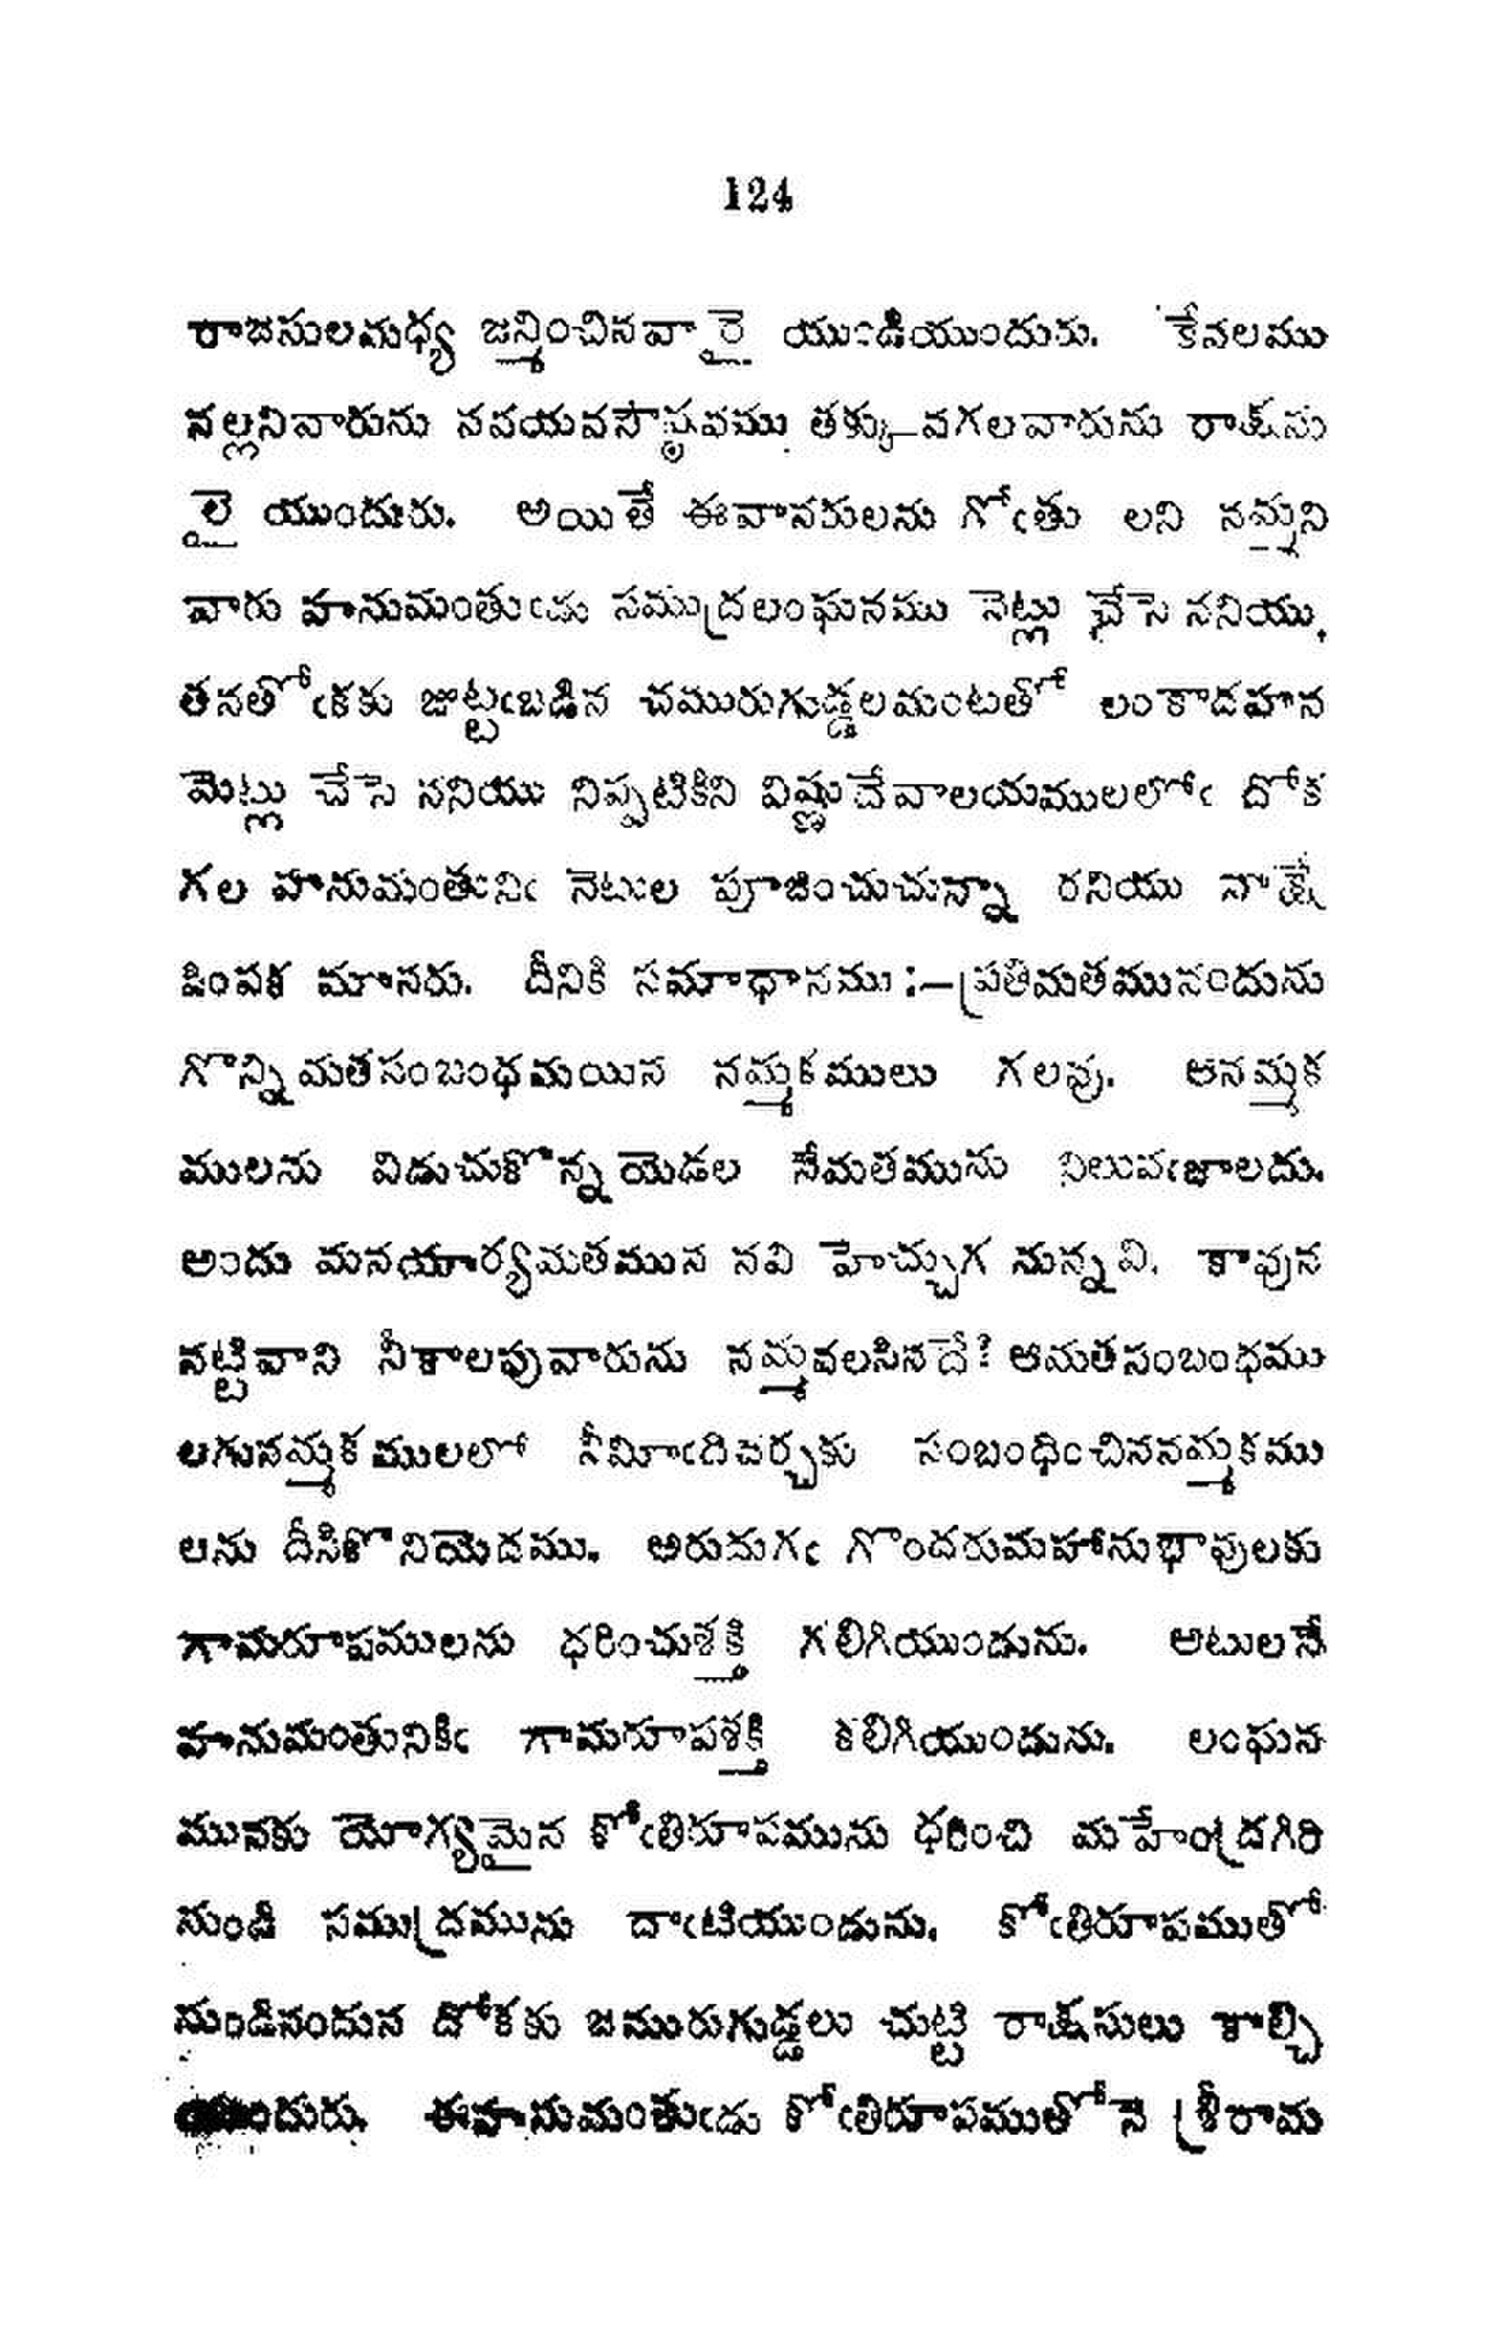రాజసులమధ్య జన్మించినవారై యుండియుందురు. కేవలము నల్లనివారును నవయవసౌష్ఠవము తక్కువగలవారును రాక్షసులై యుందురు. అయితే ఈవానరులను గోఁతు లని నమ్మనివారు హనుమంతుఁడు సముద్రలంఘనము నెట్లు చేసె ననియు, తనతోఁకకు జుట్టఁబడిన చమురుగుడ్డల మంటతో లంకాదహన మెట్లు చేసె ననియు నిష్పటికిని విష్ణుదేవాలయములలోఁ దోక గల హనుమంతునిఁ నెటుల పూజించుచున్నా రనియు నాక్షేపింపక మానరు. దీనికి సమాధానము :- ప్రతిమతమునందును గొన్నిమతసంబంధమయిన నమ్మకములు గలవు. ఆనమ్మకములను విడుచుకొన్న యెడల నేమతమును నిలువఁజాలదు. అందు మనయార్యమతమున నవి హెచ్చుగ నున్నవి. కావున నట్టివాని నీకాలపువారును నమ్మవలసినదే ? ఆమతసంబంధములగు నమ్మకములలో నీమీఁదిచర్చకు సంబంధించిననమ్మకములను దీసికొనియెదము. అరుదుగఁ గొందరుమహానుభావులకు గామరూపములను ధరించుశక్తి గలిగియుండును. అటులనే
హనుమంతునికిఁ గామరూపశక్తి కలిగియుండును. లంఘనమునకు యోగ్యమైన కోఁతిరూపమును ధరించి మహేంద్రగిరి నుండి సముద్రమును దాఁటియుండును. కోఁతిరూపముతో నుండినందున దోకకు జమురుగుడ్డలు చుట్టి రాక్షసులు కాల్చియుందురు. ఈహనుమంతుఁడు కోఁతిరూపముతోనే శ్రీరామ